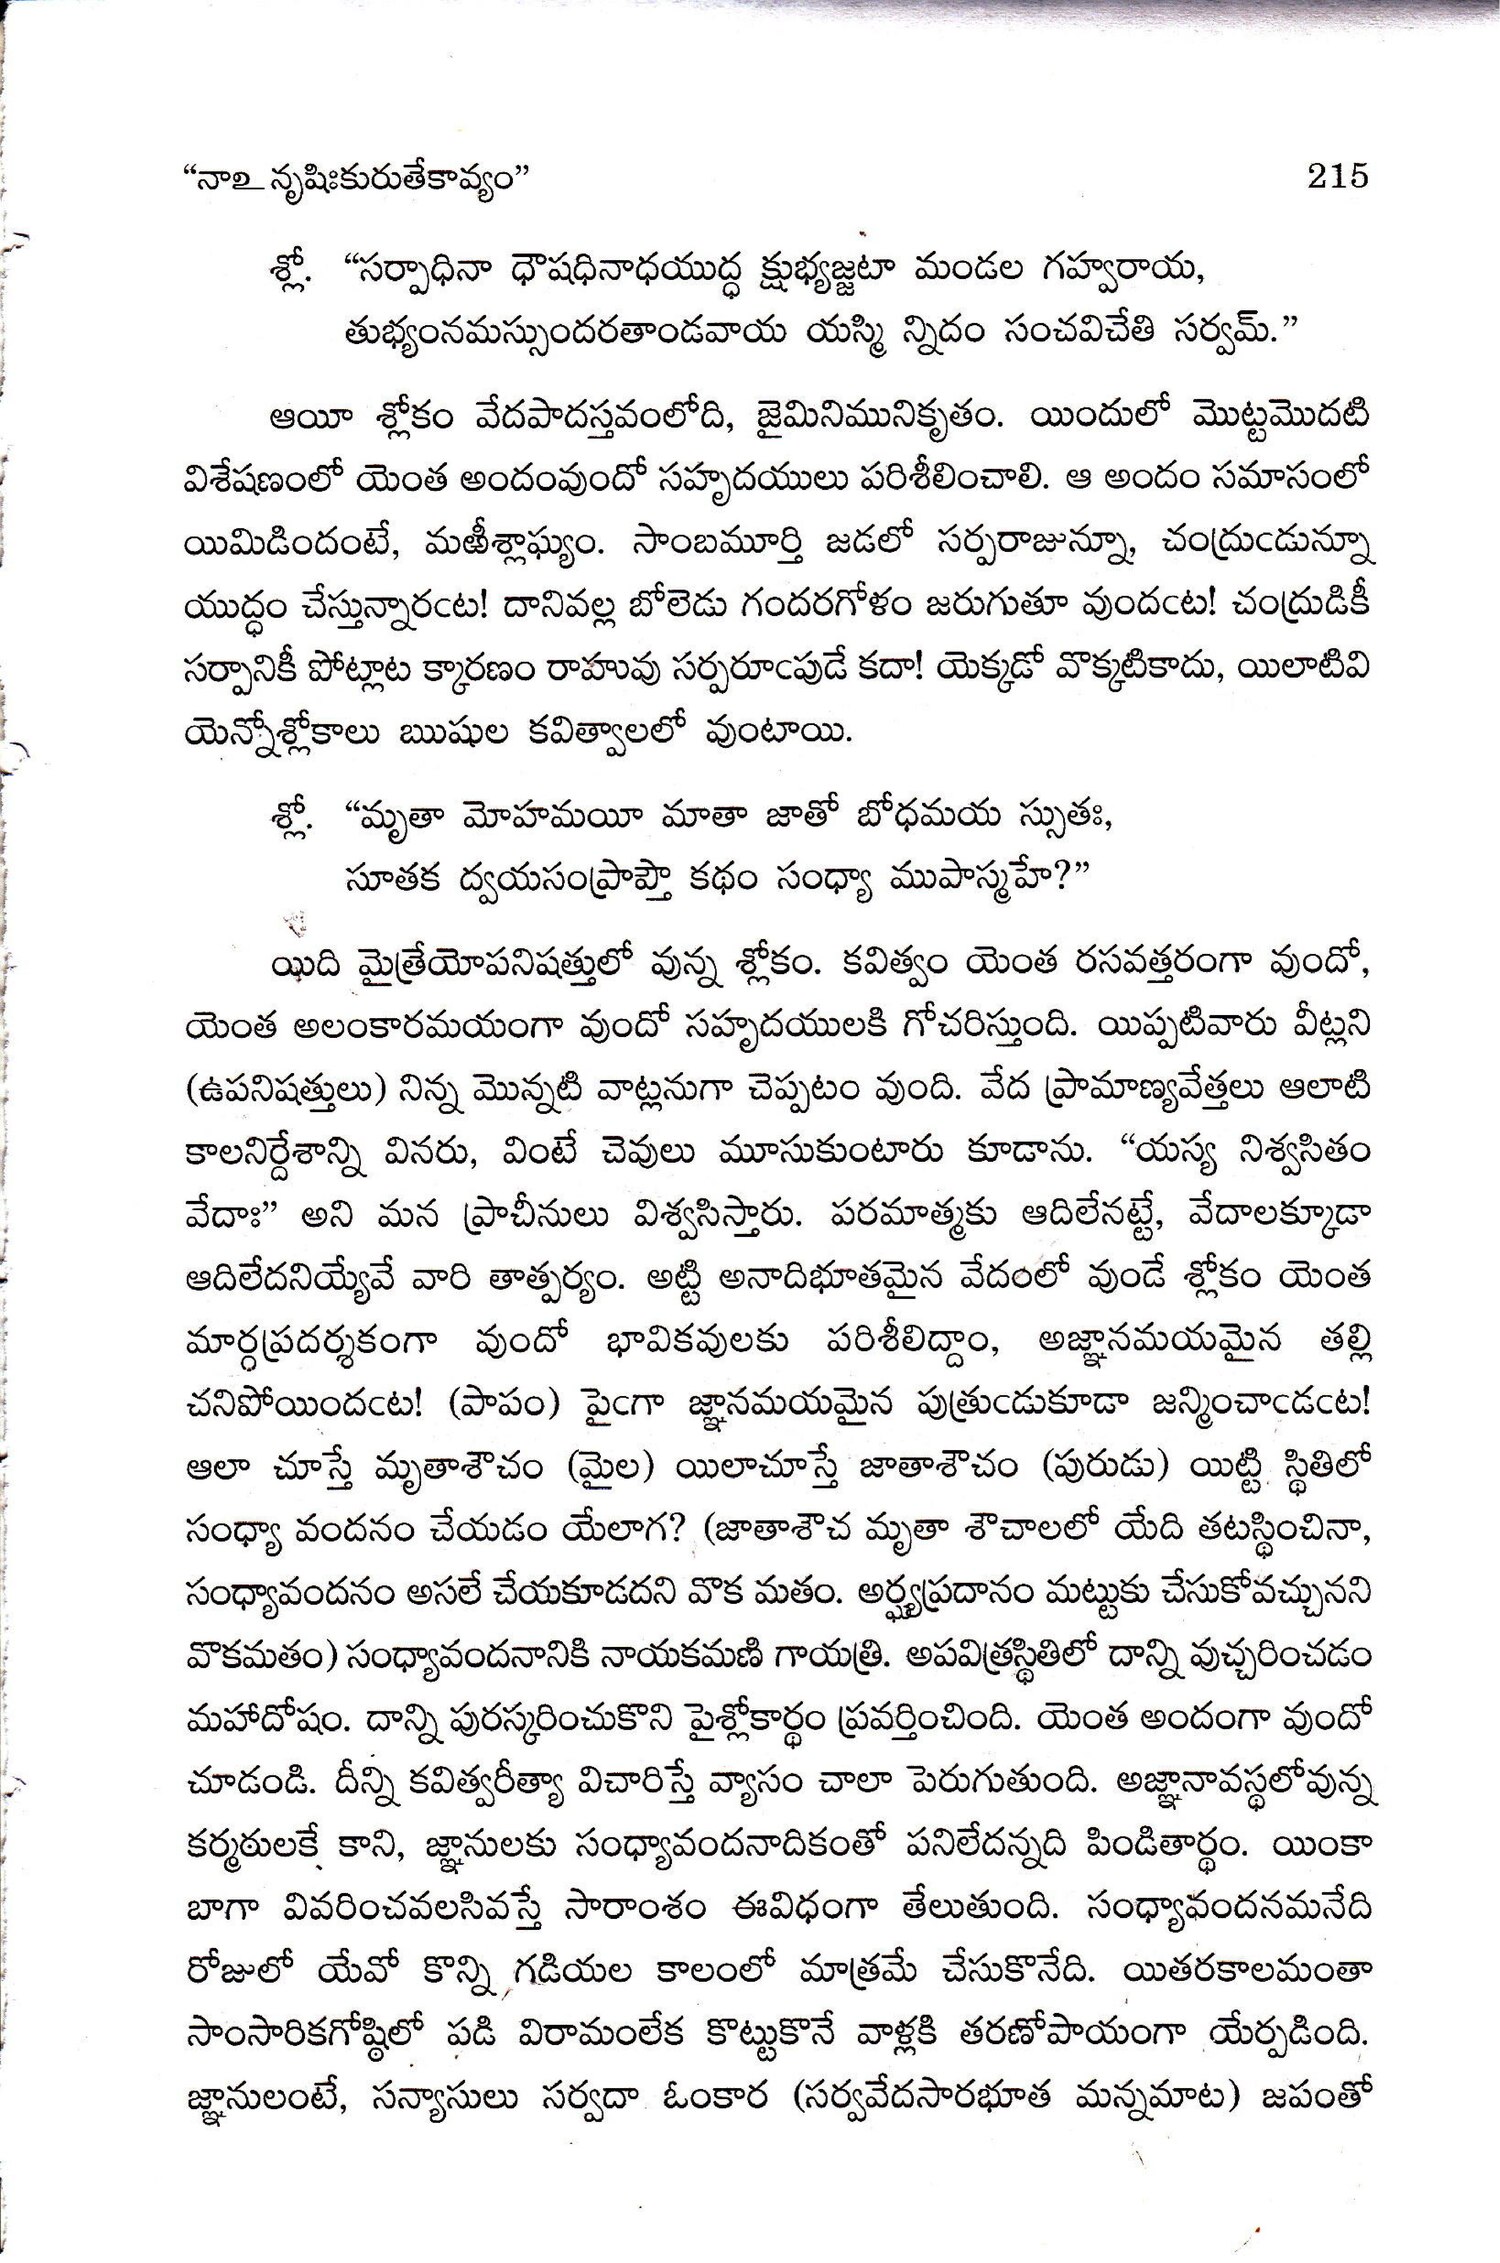శ్లో "సర్పాధినా ధౌషధినాధయుద్ధ క్షుభ్యజ్ఞటా మండల గహ్వరాయ,
 తుభ్యంనమస్సుందరతాండవాయ యస్మి న్నిదం సంచవిచేతి సర్వమ్."
ఆయీ శ్లోకం వేదపాదస్తవంలోది, జైమినిమునికృతం. యిందులో మొట్టమొదటి విశేషణంలో యెంత అందంవుందో సహృదయులు పరిశీలించాలి. ఆ అందం సమాసంలో యిమిడిందంటే, మఱీశాఘ్యం. సాంబమూర్తి జడలో సర్పరాజున్నూ చంద్రుఁడున్నూ యుద్ధం చేస్తున్నారఁట! దానివల్ల బోలెడు గందరగోళం జరుగుతూ వుందఁట! చంద్రుడికీ సర్పానికీ పోట్లాట క్కారణం రాహువు సర్పరూఁపుడే కదా! యెక్కడో వొక్కటికాదు, యిలాటివి యెన్నోశ్లోకాలు ఋషుల కవిత్వాలలో వుంటాయి.

శ్లో. “మృతా మోహమయీ మాతా జాతో బోధమయ స్సుతః,
 సూతక ద్వయసంప్రాప్తౌ కథం సంధ్యా ముపాస్మహే?"
యిది మైత్రేయోపనిషత్తులో వున్న శ్లోకం. కవిత్వం యెంత రసవత్తరంగా వుందో, యెంత అలంకారమయంగా వుందో సహృదయులకి గోచరిస్తుంది. యిప్పటివారు వీట్లని (ఉపనిషత్తులు) నిన్న మొన్నటి వాట్లనుగా చెప్పటం వుంది. వేద ప్రామాణ్యవేత్తలు ఆలాటి కాలనిర్దేశాన్ని వినరు, వింటే చెవులు మూసుకుంటారు కూడాను. “యస్య నిశ్వసితం వేదాః’ అని మన ప్రాచీనులు విశ్వసిస్తారు. పరమాత్మకు ఆదిలేనట్టే, వేదాలక్కూడా ఆదిలేదనియ్యేవే వారి తాత్పర్యం. అట్టి అనాదిభూతమైన వేదంలో వుండే శ్లోకం యెంత మార్గప్రదర్శకంగా వుందో భావికవులకు పరిశీలిద్దాం. అజ్ఞానమయమైన తల్లి చనిపోయిందఁట! (పాపం) పైఁగా జ్ఞానమయమైన పుత్రుఁడుకూడా జన్మించాఁడఁట! ఆలా చూస్తే మృతాశౌచం (మైల) యిలాచూస్తే జాతా శౌచం (పురుడు) యిట్టి స్థితిలో సంధ్యా వందనం చేయడం యేలాగ? (జాతాశౌచ మృతా శౌచాలలో యేది తటస్థించినా, సంధ్యావందనం అసలే చేయకూడదని వొక మతం. అర్ఘ్యప్రదానం మట్టుకు చేసుకోవచ్చునని వొకమతం) సంధ్యావందనానికి నాయకమణి గాయత్రి. అపవిత్రస్థితిలో దాన్ని వుచ్చరించడం మహాదోషం. దాన్ని పురస్కరించుకొని పైశ్లోకార్థం ప్రవర్తించింది. యెంత అందంగా వుందో చూడండి. దీన్ని కవిత్వరీత్యా విచారిస్తే వ్యాసం చాలా పెరుగుతుంది. అజ్ఞానావస్థలోవున్న కర్మఠులకే కాని, జ్ఞానులకు సంధ్యావందనాదికంతో పనిలేదన్నది పిండితార్థం. యింకా బాగా వివరించవలసివస్తే సారాంశం ఈవిధంగా తేలుతుంది. సంధ్యావందనమనేది రోజులో యేవో కొన్ని గడియల కాలంలో మాత్రమే చేసుకొనేది. యితరకాలమంతా సాంసారికగోష్ఠిలో పడి విరామంలేక కొట్టుకొనే వాళ్లకి తరణోపాయంగా యేర్పడింది. జ్ఞానులంటే, సన్యాసులు సర్వదా ఓంకార (సర్వవేదసారభూత మన్నమాట) జపంతో